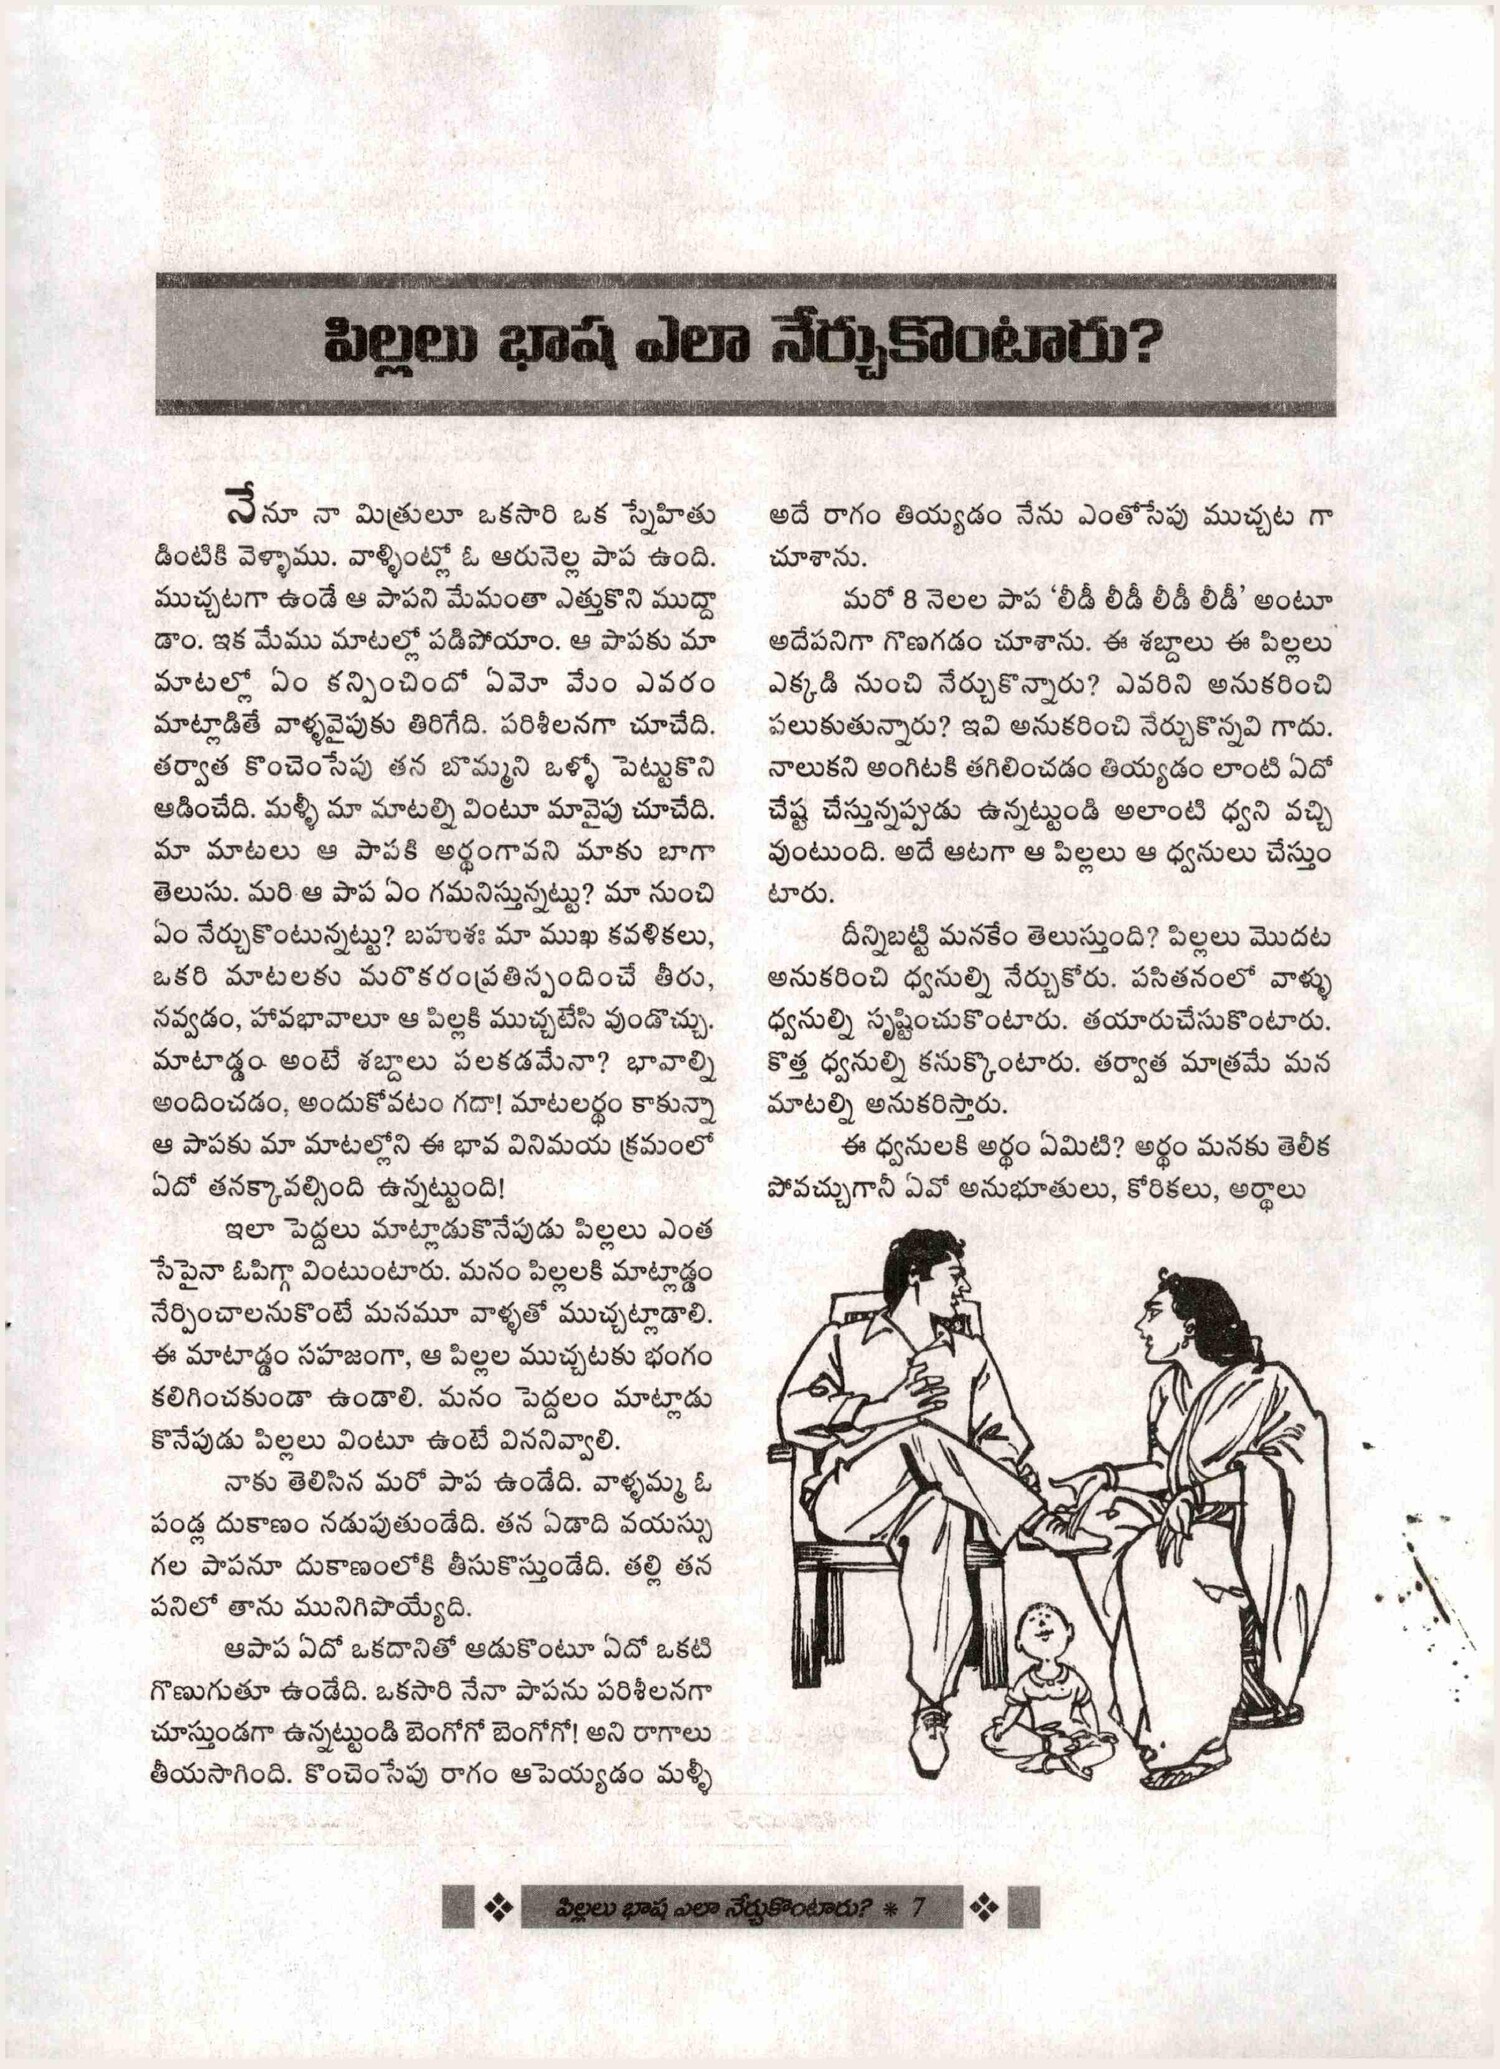పిల్లలు భాష ఎలా నేర్చుకొంటారు?

నేనూ నా మిత్రులూ ఒకసారి ఒక స్నేహితుడింటికి వెళ్ళాము. వాళ్ళింట్లో ఓ ఆరునెల్ల పాప ఉంది. ముచ్చటగా ఉండే ఆ పాపని మేమంతా ఎత్తుకొని ముద్దాడాం. ఇక మేము మాటల్లో పడిపోయాం. ఆ పాపకు మా మాటల్లో ఏం కన్పించిందో ఏమో మేం ఎవరం మాట్లాడితే వాళ్ళవైపుకు తిరిగేది. పరిశీలనగా చూచేది. తర్వాత కొంచెంసేపు తన బొమ్మని ఒళ్ళో పెట్టుకొని ఆడించేది. మళ్ళీ మా మాటల్ని వింటూ మావైపు చూచేది. మా మాటలు ఆ పాపకి అర్థంగావని మాకు బాగా తెలుసు. మరి ఆ పాప ఏం గమనిస్తున్నట్టు? మా నుంచి ఏం నేర్చుకొంటున్నట్టు? బహుశః మా ముఖ కవళికలు, ఒకరి మాటలకు మరొకరంప్రతిస్పందించే తీరు, నవ్వడం, హావభావాలూ ఆ పిల్లకి ముచ్చటేసి వుండొచ్చు. మాటాడ్డం అంటే శబ్దాలు పలకడమేనా? భావాల్ని అందించడం, అందుకోవటం గదా! మాటలర్థం కాకున్నా ఆ పాపకు మా మాటల్లోని ఈ భావ వినిమయ క్రమంలో ఏదో తనక్కావల్సింది ఉన్నట్టుంది!

ఇలా పెద్దలు మాట్లాడుకొనేపుడు పిల్లలు ఎంత సేపైనా ఓపిగ్గా వింటుంటారు. మనం పిల్లలకి మాట్లాడ్డం
నేర్పించాలనుకొంటే మనమూ వాళ్ళతో ముచ్చట్లాడాలి. ఈ మాటాడ్డం సహజంగా, ఆ పిల్లల ముచ్చటకు భంగం
కలిగించకుండా ఉండాలి. మనం పెద్దలం మాట్లాడుకొనేపుడు పిల్లలు వింటూ ఉంటే విననివ్వాలి.

నాకు తెలిసిన మరో పాప ఉండేది. వాళ్ళమ్మ ఓ పండ్ల దుకాణం నడుపుతుండేది. తన ఏడాది వయస్సు గల పాపనూ దుకాణంలోకి తీసుకొస్తుండేది. తల్లి తన పనిలో తాను మునిగిపొయ్యేది.

ఆపాప ఏదో ఒకదానితో ఆడుకొంటూ ఏదో ఒకటి గొణుగుతూ ఉండేది. ఒకసారి నేనా పాపను పరిశీలనగా
చూస్తుండగా ఉన్నట్టుండి బెంగోగో బెంగోగో! అని రాగాలు తీయసాగింది. కొంచెంసేపు రాగం ఆపెయ్యడం మళ్ళీ
అదే రాగం తియ్యడం నేను ఎంతోసేపు ముచ్చట గా చూశాను.

మరో 8 నెలల పాప 'లీడీ లీడీ లీడీ లీడీ' అంటూ
అదేపనిగా గొణగడం చూశాను. ఈ శబ్దాలు ఈ పిల్లలు ఎక్కడి నుంచి నేర్చుకొన్నారు? ఎవరిని అనుకరించి
పలుకుతున్నారు? ఇవి అనుకరించి నేర్చుకొన్నవి గాదు. నాలుకని అంగిటకి తగిలించడం తియ్యడం లాంటి ఏదో చేష్ట చేస్తున్నప్పుడు ఉన్నట్టుండి అలాంటి ధ్వని వచ్చి వుంటుంది. అదే ఆటగా ఆ పిల్లలు ఆ ధ్వనులు చేస్తుంటారు.

దీన్నిబట్టి మనకేం తెలుస్తుంది? పిల్లలు మొదట అనుకరించి ధ్వనుల్ని నేర్చుకోరు. పసితనంలో వాళ్ళు ధ్వనుల్ని సృష్టించుకొంటారు. తయారుచేసుకొంటారు. కొత్త ధ్వనుల్ని కనుక్కొంటారు. తర్వాత మాత్రమే మన మాటల్ని అనుకరిస్తారు.

ఈ ధ్వనులకి అర్థం ఏమిటి? అర్థం మనకు తెలీక పోవచ్చుగానీ ఏవో అనుభూతులు, కోరికలు, అర్థాలు